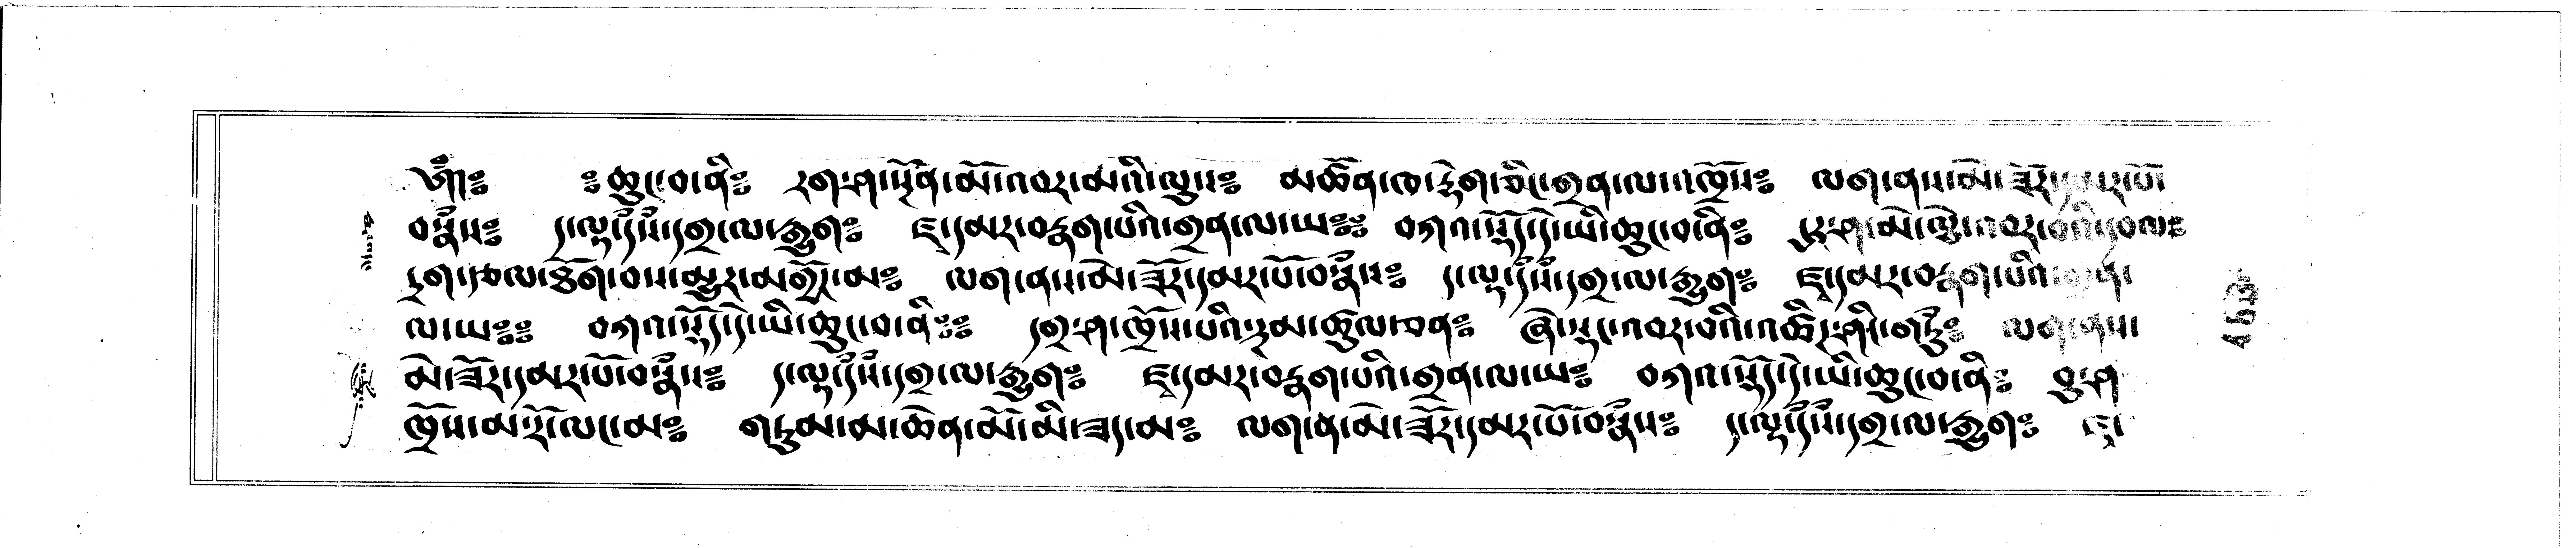༔ཆུང་བ་ནི༔རག་ཤ་སྔོན་མོ་འབར་མའི་ལུས༔མཚོན་ཁ་རྡེག་ཅིང་གྲན་ལ་འཁྲོས༔ལག་ནས་མེ་ཟོར་དམར་པོ་
བསྣམས༔ད་ལྟར་དམ་ཉམས་དགྲ་ལ་རྒྱུག༔ཛྭ་དམར་བརྣག་པའི་གྲན་ལ་ཡ༔༔བཀའ་སྡོད་དེ་ཡི་ཆུང་བ་ནི༔དུར་ཤ་མེ་ལྕེ་འབར་བའི་དབལ༔
དྲག་རྩལ་ཐོག་བས་མྱུར་མགྱོགས་མ༔ལག་ནས་མེ་ཟོར་དམར་པོ་བསྣམས༔ད་ལྟར་དམ་ཉམས་དགྲ་ལ་རྒྱུག༔ཛྭ་དམར་བརྣག་པའི་གྲན་
ལ་ཡ༔༔བཀའ་སྡོད་དེ་ཡི་ཆུང་བ་ནི༔དགྲ་ཤ་ཁྲོས་པའི་རྔམ་ཚུལ་ཅན༔ཞེ་སྡང་འབར་བའི་འཚིགས་ཤིང་གཏུམ༔ལག་ནས་
མེ་ཟོར་དམར་པོ་བསྣམས༔ད་ལྟར་དམ་ཉམས་དགྲ་ལ་རྒྱུག༔ཛྭ་དམར་བརྣག་པའི་གྲན་ལ་ཡ༔༔བཀའ་སྡོད་དེ་ཡི་ཆུང་བ་ནི༔བུ་ཤ་
ཁྲོས་མ་རོ་ལངས་མ༔གཏུམ་མ་ཆེན་མོ་མི་བཟད་མ༔ལག་ནས་མེ་ཟོར་དམར་པོ་བསྣམས༔ད་ལྟར་དམ་ཉམས་དགྲ་ལ་རྒྱུག༔ཛྭ་